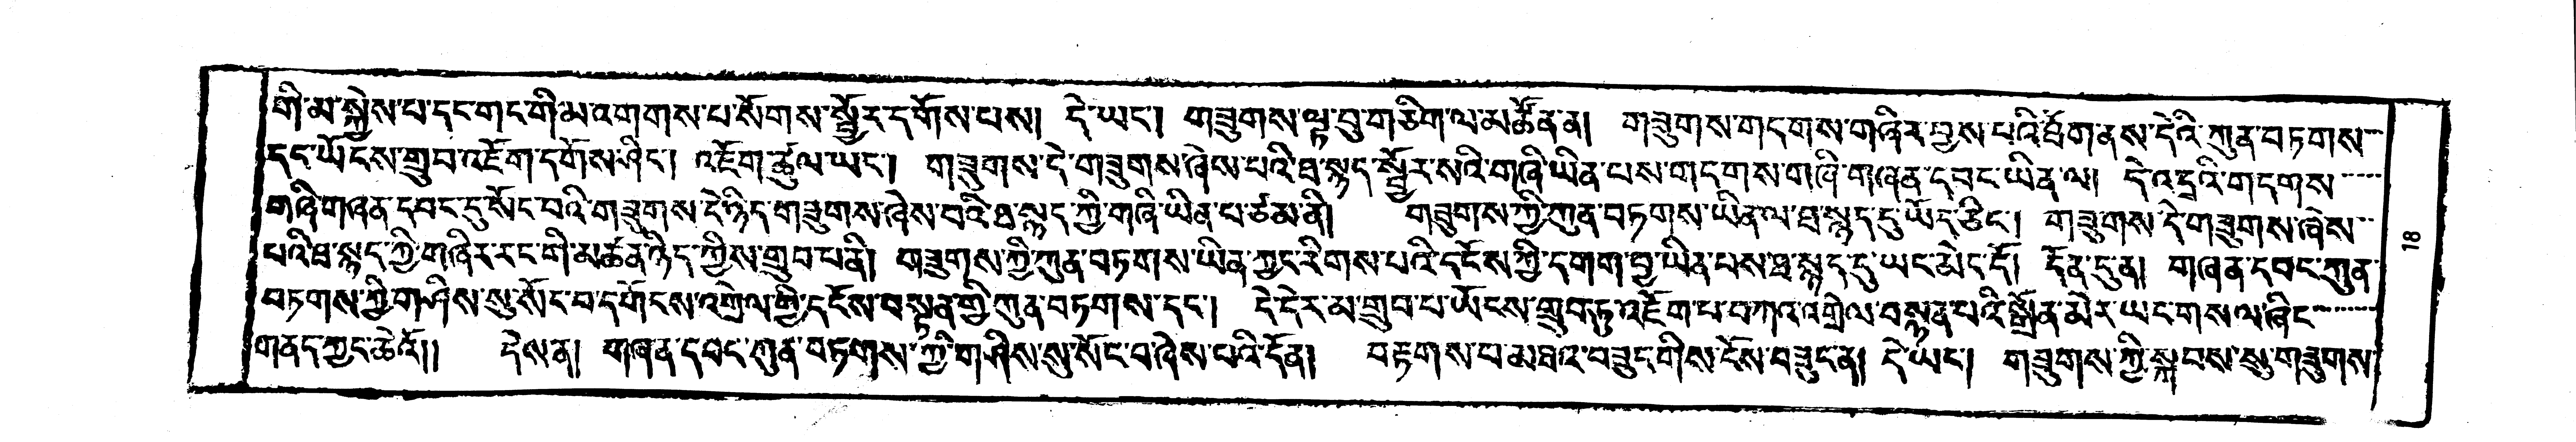གི་མ་སྐྱེས་པ་དང་གང་གི་མ་འགགས་པ་སོགས་སྦྱོར་དགོས་པས། དེ་ཡང་། གཟུགས་ལྟ་བུ་གཅིག་ལ་མཚོན་ན། གཟུགས་གདགས་གཞིར་བྱས་པའི་ཐོག་ནས་དེའི་ཀུན་བཏགས་
དང་ཡོངས་གྲུབ་འཇོག་དགོས་ཤིང་། འཇོག་ཚུལ་ཡང་། གཟུགས་དེ་གཟུགས་ཞེས་པའི་ཐ་སྙད་སྦྱོར་སའི་གཞི་ཡིན་པས་གདགས་གཞི་གཞན་དབང་ཡིན་ལ། དེ་འདྲའི་གདགས་
གཞི་གཞན་དབང་དུ་སོང་བའི་གཟུགས་དེ་ཉིད་གཟུགས་ཞེས་པའི་ཐ་སྙད་ཀྱི་གཞི་ཡིན་པ་ཙམ་ནི། གཟུགས་ཀྱི་ཀུན་བཏགས་ཡིན་ལ་ཐ་སྙད་དུ་ཡོད་ཅིང་། གཟུགས་དེ་གཟུགས་ཞེས་
པའི་ཐ་སྙད་ཀྱི་གཞིར་རང་གི་མཚན་ཉིད་ཀྱིས་གྲུབ་པ་ནི། གཟུགས་ཀྱི་ཀུན་བཏགས་ཡིན་ཀྱང་རིགས་པའི་དངོས་ཀྱི་དགག་བྱ་ཡིན་པས་ཐ་སྙད་དུ་ཡང་མེད་དོ། དོན་དུ་ན། གཞན་དབང་ཀུན་
བཏགས་ཀྱི་གཤིས་སུ་སོང་བ་དགོངས་འགྲེལ་གྱི་དངོས་བསྟན་གྱི་ཀུན་བཏགས་དང་། དེ་དེར་མ་གྲུབ་པ་ཡོངས་གྲུབ་ཏུ་འཇོག་པ་བཀའ་འགྲེལ་བསྙན་པའི་སྒྲོན་མེར་ཡང་གསལ་ཞིང་
གནད་ཀྱང་ཆེའོ། །དེས་ན། གཞན་དབང་ཀུན་བཏགས་ཀྱི་གཤིས་སུ་སོང་བ་ཞེས་པའི་དོན། བརྟགས་པ་མཐའ་བཟུང་གིས་ངོས་བཟུང་ན། དེ་ཡང་། གཟུགས་ཀྱི་སྐབས་སུ་གཟུགས་